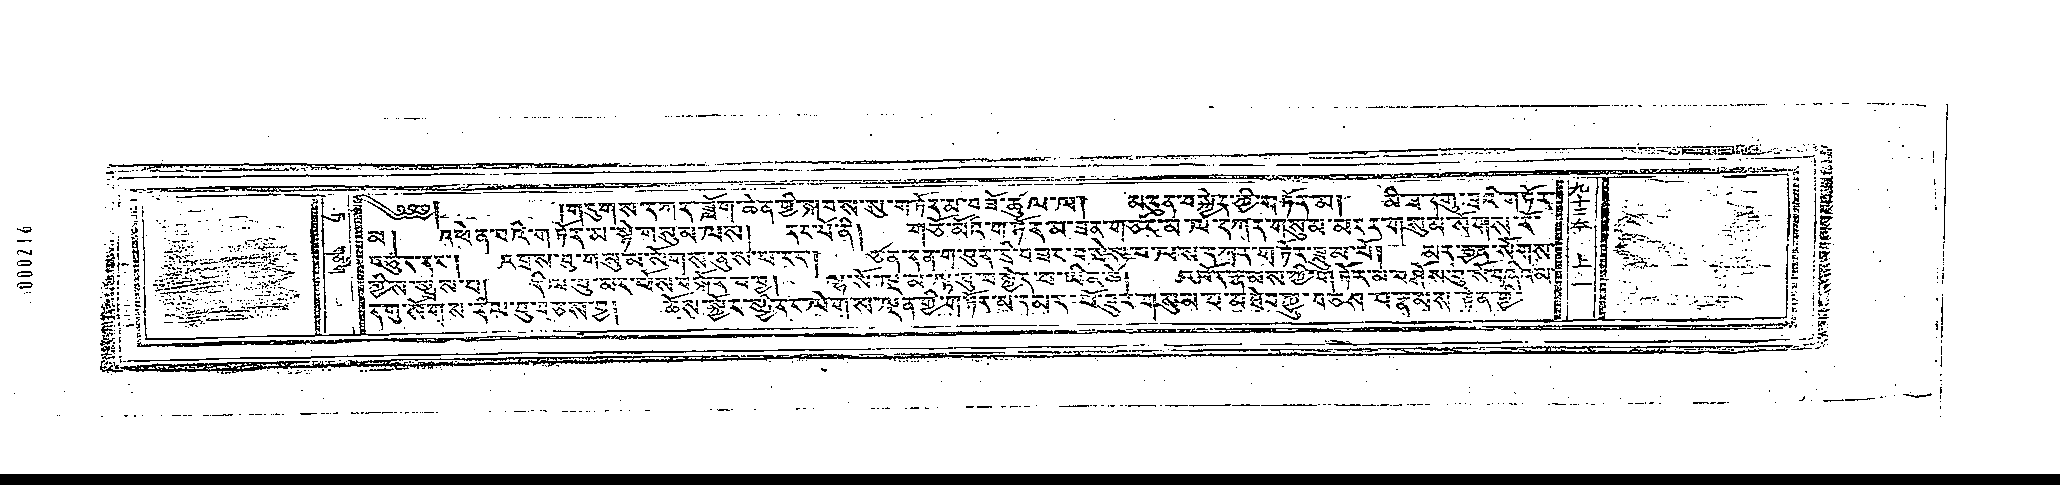༄༅༅། །གདུགས་དཀར་ཟློག་ཆེན་གྱི་སྐབས་སུ་གཏོར་མ་བཟོ་ཚུལ་ལ། མདུན་བསྐྱེད་ཀྱི་གཏོར་མ། མི་ཟ་དགུ་ཟའི་གཏོར་
མ། འཕེན་པའི་གཏོར་མ་སྟེ་གསུམ་ལས། དང་པོ་ནི། གཙོ་མོའི་གཏོར་མ་ཟན་གཙང་མ་ལ་དཀར་གསུམ་མངར་གསུམ་སོགས་རོ་
བཅུད་དང་། འབྲས་བུ་གསུམ་སོགས་ནུས་པ་དང་། ཙན་དན་ག་བུར་དྲི་བཟང་བསྲེས་པ་ལས་དཀར་གཏོར་ཟླུམ་པོ། མར་རྒྱན་སོགས་
ཀྱིས་སྤྲས་པ། རིལ་བུ་མང་པོས་བསྐོར་བ་བྱ། ལྷ་སོ་ལྔ་མ་ལྟ་བུ་བསྐྱེད་པ་ཡིན་ཚེ། འཁོར་རྣམས་ཀྱི་གཏོར་མ་བཤོས་བུ་སོ་བཞིའམ་
དགུ་སོགས་རིལ་བུ་བཅས་བྱ། ཆོས་སྐྱོང་སྤྱི་དང་ལེགས་ལྡན་གྱི་གཏོར་མ་དམར་པོ་ཟུར་གསུམ་པ་མཐེབ་ཀྱུ་བཅས་པ་རྣམས་རྟེན་གྱི་